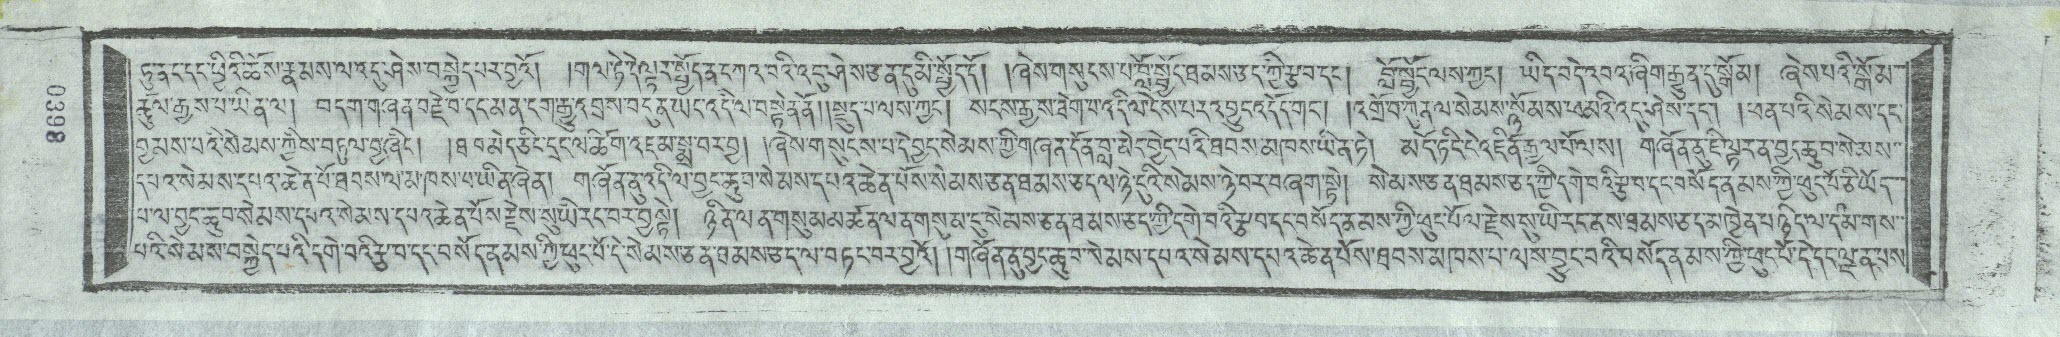ཏུ་ནང་དང་ཕྱིའི་ཆོས་རྣམས་ལ་འདུ་ཤེས་བསྐྱེད་པར་བྱའོ། །གལ་ཏེ་དེ་ལྟར་སྤྱོད་ན་དཀའ་བའི་འདུ་ཤེས་ཅན་དུ་མི་སྤྱོད་དོ། །ཞེས་གསུངས་པ་བློ་སྦྱོང་ཐམས་ཅད་ཀྱི་རྩ་བ་དང་། བློ་སྦྱོང་ལས་ཀྱང་། ཡིད་བདེ་འབའ་ཞིག་རྒྱུན་དུ་སྒོམ། ཞེས་པའི་སྒོམ་
ཚུལ་རྒྱས་པ་ཡིན་ལ། བདག་གཞན་བརྗེ་བ་དང་མན་ངག་རྒྱུ་འབྲས་བདུན་ཡང་འདི་ལ་བསྟེན་ནོ། །སྡུད་པ་ལས་ཀྱང་། སངས་རྒྱས་ཐེག་པ་འདི་ལ་ངེས་པར་འབྱུང་འདོད་གང་། །འགྲོ་བ་ཀུན་ལ་སེམས་སྙོམས་ཕ་མའི་འདུ་ཤེས་དང་། །ཕན་པའི་སེམས་དང་
བྱམས་པའི་སེམས་ཀྱིས་བཏུལ་བྱ་ཞིང་། །ཐབ་མེད་ཅིང་དྲང་ལ་ཚིག་འཇམ་སྨྲ་བར་བྱ། །ཞེས་གསུངས་པ་དེ་བྱང་སེམས་ཀྱི་གཞན་དོན་བླ་མེད་བྱེད་པའི་ཐབས་མཁས་ཡིན་ཏེ། མདོ་ཏིང་ངེ་འཛིན་རྒྱལ་པོ་ལས། གཞོན་ནུ་ཇི་ལྟར་ན་བྱང་ཆུབ་སེམས་
དཔའ་སེམས་དཔའ་ཆེན་པོ་ཐབས་ལ་མཁས་པ་ཡིན་ཞེ་ན། གཞོན་ནུ་འདི་ལ་བྱང་ཆུབ་སེམས་དཔའ་ཆེན་པོས་སེམས་ཅན་ཐམས་ཅད་ལ་ཉེ་དུའི་སེམས་ཉེ་བར་བཞག་སྟེ། སེམས་ཅན་ཐམས་ཅད་ཀྱི་དགེ་བའི་རྩ་བ་དང་བསོད་ནམས་ཀྱི་ཕུང་པོ་ཅི་ཡོད་
པ་ལ་བྱང་ཆུབ་སེམས་དཔའ་སེམས་དཔའ་ཆེན་པོས་རྗེས་སུ་ཡི་རང་བར་བྱ་སྟེ། ཉིན་ལན་གསུམ་མཚན་ལན་གསུམ་དུ་སེམས་ཅན་ཐམས་ཅད་ཀྱི་དགེ་བའི་རྩ་བ་དང་བསོད་ནམས་ཀྱི་ཕུང་པོ་ལ་རྗེས་སུ་ཡི་རང་ནས་ཐམས་ཅད་མཁྱེན་པ་ཉིད་ལ་དམ་གས་
པའི་སེམས་བསྐྱེད་པའི་དགེ་བའི་རྩ་བ་དང་བསོད་ནམས་ཀྱི་ཕུང་པོ་དེ་སེམས་ཅན་ཐམས་ཅད་ལ་བཏང་བར་བྱའོ། །གཞོན་ནུ་བྱང་ཆུབ་སེམས་དཔའ་སེམས་དཔའ་ཆེན་པོས་ཐབས་མཁས་པ་ལས་བྱུང་པའི་བསོད་ནམས་ཀྱི་ཕུང་པོ་དེ་དང་ལྡན་པས་